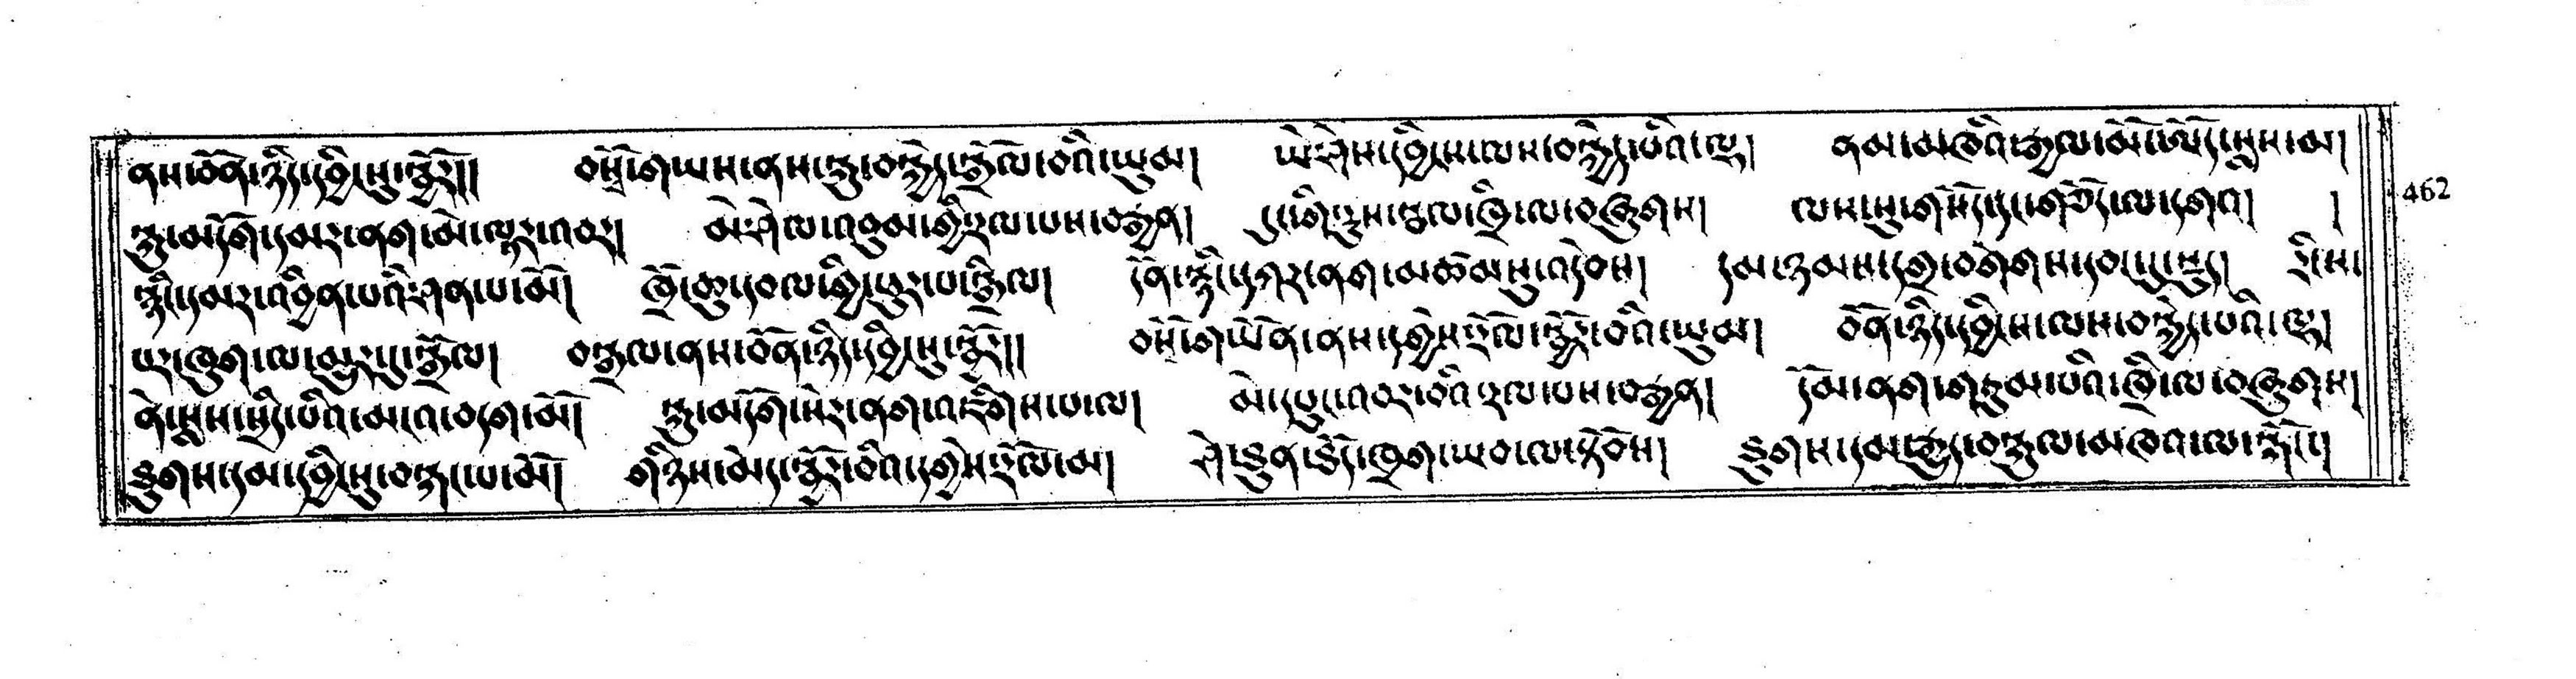ནས་བོན་ཉིད་དབྱིངས་སུ་སྦྱོར།། བསྭོ་གཡས་ནས་སྐུ་བསྐྱེད་སྒྲོལ་བའི་ཡུམ། ཡེ་ཤེས་དབྱིངས་ལས་བསྐྱེད་པའི་ལྷ། ནམ་མཁའི་རྒྱལ་མོ་ཨོད་སླས་མ། 
སྐུ་མདོག་དམར་ནག་མེ་ལྟར་འབར། མེ་ཤེལ་འབུམ་གྱི་རལ་པས་བརྒྱན། དུང་གི་རུས་སྦལ་ཁྲི་ལ་བཞུགས། ལས་སུ་གསོད་དང་གཅོད་ལ་དགའ། 
སྙིང་དམར་འབྱིན་པའི་ཤན་པ་མོ། ཁྲོ་ཆུ་དབལ་གྱི་ཕུར་པ་སྒྲིལ། དོན་སྙིང་དཀར་ནག་མཚམས་སུ་འདེབས། དམ་ཉམས་དགྲ་བགེགས་དབང་དུ་སྡུད། རིངས་
པར་ཁུག་ལ་མྱུར་དུ་སྒྲོལ། བསྒྲལ་ནས་བོན་ཉིད་དབྱིངས་སུ་སྦྱོར།། བསྭོ་གཡོན་ནས་དགྱེས་རོལ་སྦྱོར་བའི་ཡུམ། བོན་ཉིད་དབྱིངས་ལས་བསྐྱེད་པའི་ལྷ། 
{476}ནེ་སླས་སྲིད་པའི་མངའ་བདག་མོ། སྐུ་མདོག་སེར་ནག་འཇིགས་པ་ལ། མེ་དཔུང་འབར་བའི་རལ་པས་བརྒྱན། དོམ་ནག་གཏུམ་པའི་ཁྲི་ལ་བཞུགས། 
ཐུགས་དམ་དབྱིངས་སུ་བསྐང་པ་མོ། གཉིས་མེད་སྦྱོར་བའི་དགྱེས་རོལ་མ། ཤེ་ཐུན་ཐོད་ཁྲག་ཡབ་ལ་སྟོབས། ཐུགས་དམ་རྒྱུད་བསྐུལ་མཁའ་ལ་སྐོང་།